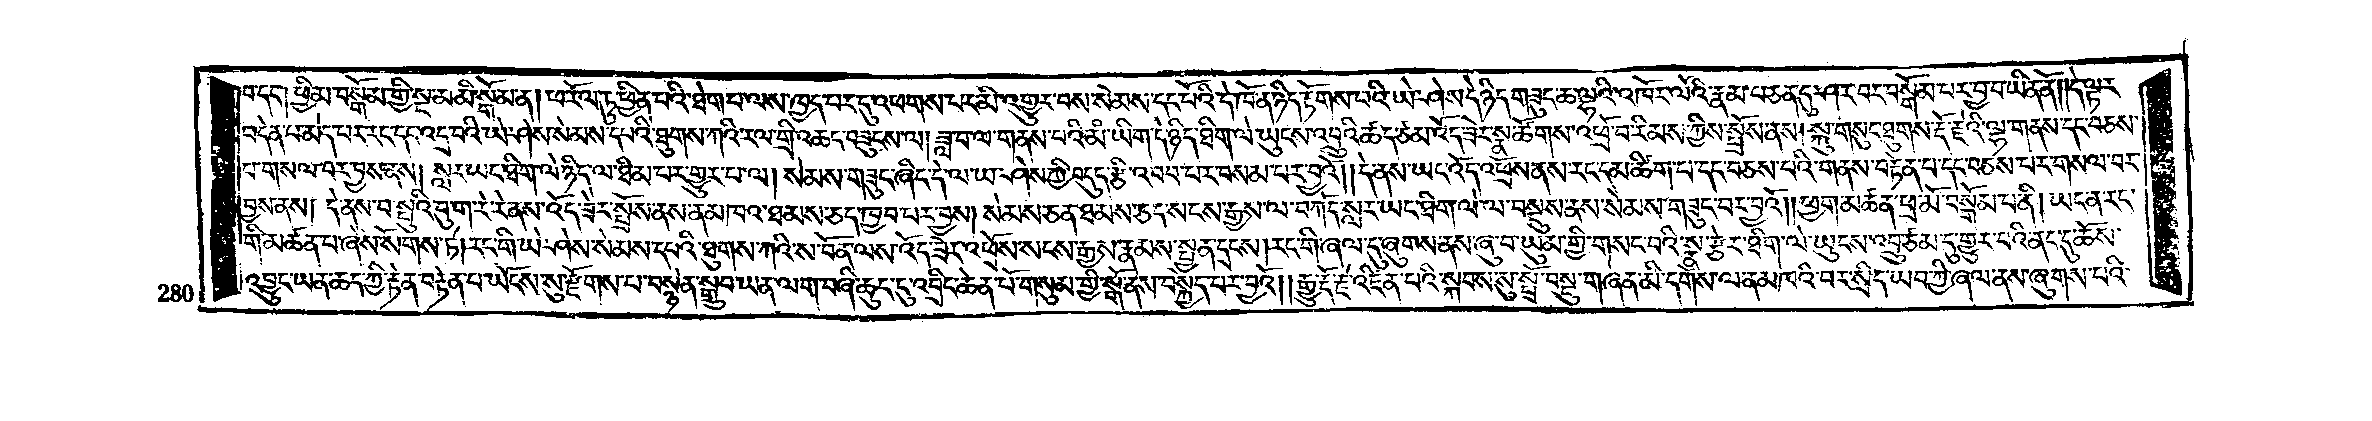བ་དང་། ཕྱི་མ་བསྒོམ་གྱི་སྔ་མ་མི་སྒོམ་ན། ཕ་རོལ་ཏུ་ཕྱིན་པའི་ཐེག་པ་ལས་ཁྱད་པར་དུ་འཕགས་པར་མི་འགྱུར་བས་སེམས་དང་པོའི་དེ་ཁོ་ན་ཉིད་རྟོགས་པའི་ཡེ་ཤེས་དེ་ཉིད་གཟུང་ཆ་ལྷའི་འཁོར་ལོའི་རྣམ་པ་ཅན་དུ་ཤར་བར་བསྒོམ་པར་བྱ་བ་ཡིན་ནོ། །དེ་ལྟར་
བདེན་པ་མེད་པར་རང་དང་འདྲ་བའི་ཡེ་ཤེས་སེམས་དཔའི་ཐུགས་ཀའི་རལ་གྲི་འཆད་བཟུངས་ལ། ཟླ་བ་ལ་གནས་པའི་མཾ་ཡིག་དེ་ཉིད་ཐིག་ལེ་ཡུངས་འབྲུའི་ཚད་ཙམ་འོད་ཟེར་སྣ་ཚོགས་འཕྲོ་བ་རིམས་ཀྱིས་སྤྲོས་ནས། སྐུ་གསུང་ཐུགས་རྡོ་རྗེའི་ལྷ་གནས་དང་བཅས་
པ་གསལ་བར་བྱས་ནས། སླར་ཡང་ཐིག་ལེ་ཉིད་ལ་ཐིམ་པར་གྱུར་པ་ལ། སེམས་གཟུང་ཞིང་དེ་ལ་ཡེ་ཤེས་ཀྱི་བདུད་རྩི་འབབ་པར་བསམ་པར་བྱའོ། །དེ་ནས་ཡང་འོད་འཕྲོས་ནས་རང་དམ་ཚིག་པ་དང་བཅས་པའི་གནས་བརྟན་པ་དང་བཅས་པར་གསལ་བར་
བྱས་ནས། དེ་ནས་བ་སྤུའི་བུ་ག་རེ་རེ་ནས་འོད་ཟེར་སྤྲོས་ནས་ནམ་མཁའ་ཐམས་ཅད་ཁྱབ་པར་བྱས། སེམས་ཅན་ཐམས་ཅད་སངས་རྒྱས་ལ་བཀོད་སླར་ཡང་ཐིག་ལེ་ལ་བསྡུས་ནས་སེམས་གཟུང་བར་བྱའོ། །ཕྱག་མཚན་ཕྲ་མོ་བསྒོམ་པ་ནི། ཡང་ན་རང་
གི་མཚན་པ་ཞེས་སོགས་ཏེ། རང་གི་ཡེ་ཤེས་སེམས་དཔའི་ཐུགས་ཀའི་ས་བོན་ལས་འོད་ཟེར་འཕྲོས་སངས་རྒྱས་རྣམས་སྤྱན་དྲངས། རང་གི་ཞལ་དུ་ཞུགས་ནས་ཞུ་བ་ཡུམ་གྱི་གསང་བའི་སྣ་རྩེར་ཐིག་ལེ་ཡུངས་འབྲུ་ཙམ་དུ་གྱུར་པའི་ནང་དུ་ཆོས་
འབྱུང་ཡང་ཆད་ཀྱི་རྟེན་བརྟེན་པ་ཡོངས་སུ་རྫོགས་པ་བསྙེན་སྒྲུབ་ཡན་ལག་བཞི་ཆུང་ངུ་འབྲིང་ཆེན་པོ་གསུམ་གྱི་སྒོ་ནས་བསྐྱེད་པར་བྱའོ། །རྒྱུ་རྡོ་རྗེ་འཛིན་པའི་སྐབས་སུ་སྤྲོ་བསྡུ་གཞན་མི་དགོས་ལ་ནམ་མཁའི་བར་སྲིད་ཡབ་ཀྱི་ཞལ་ནས་ཞུགས་པའི་